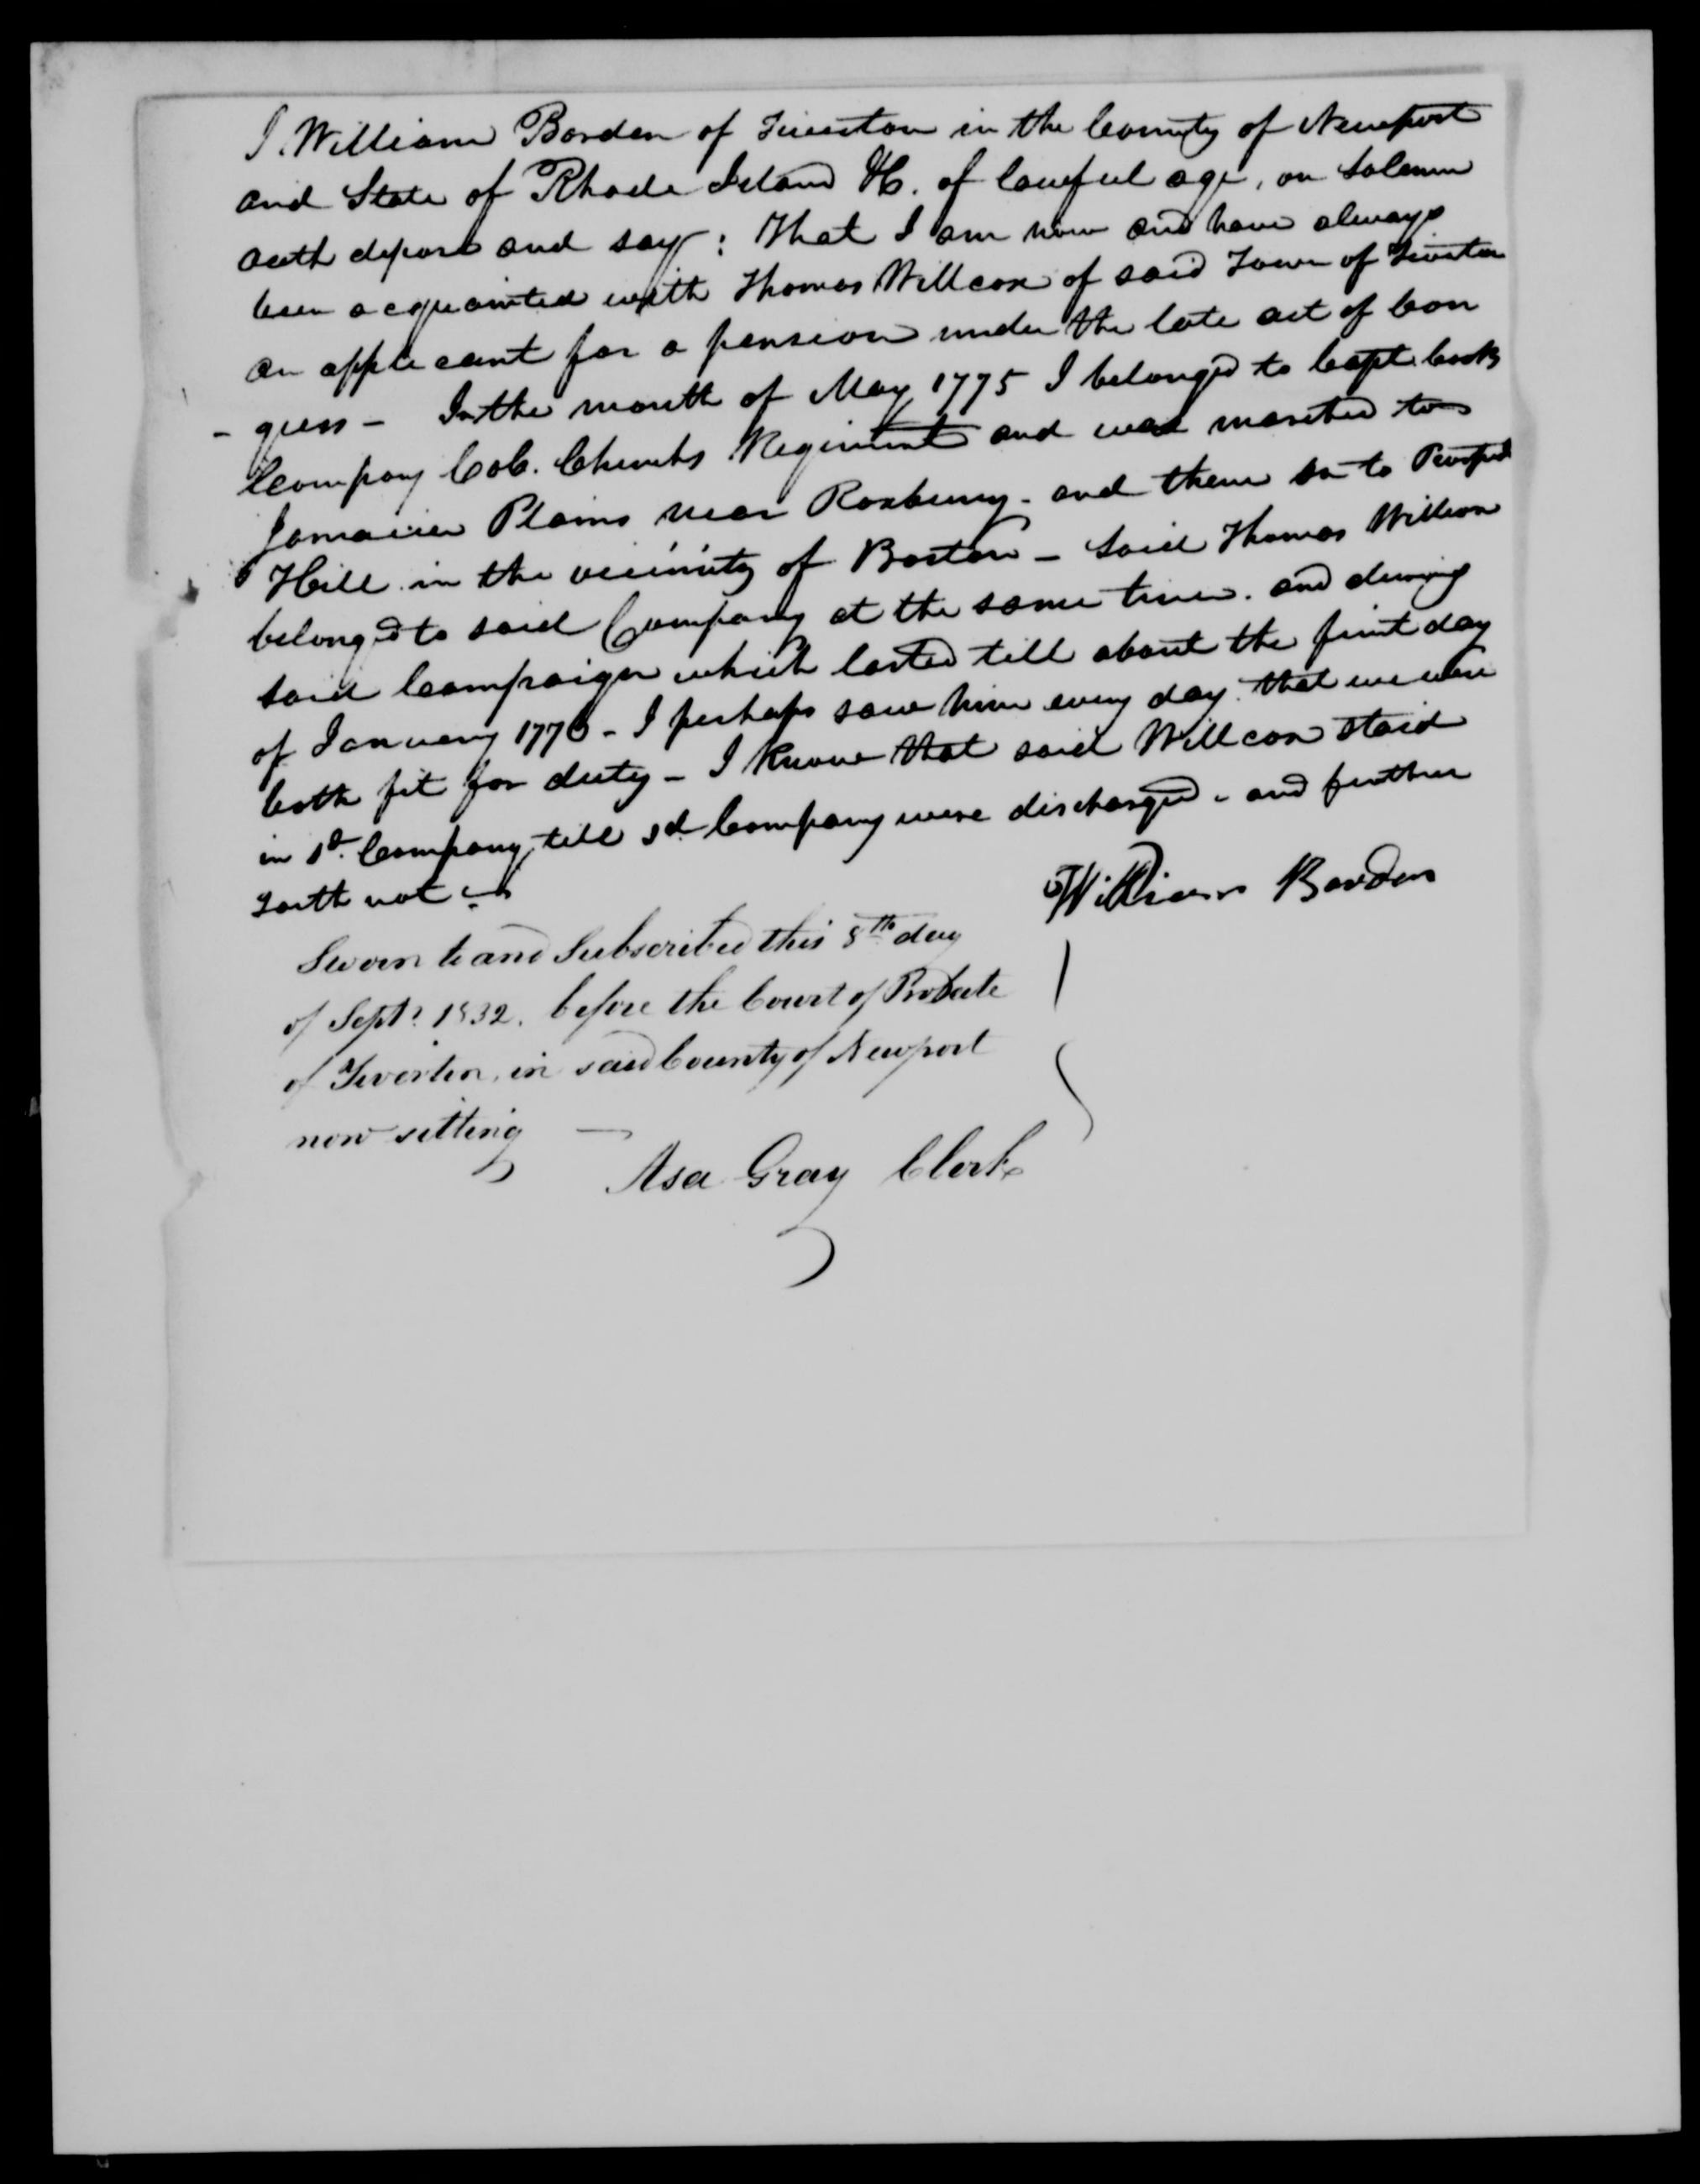I William Borden of Tiverton in the County of Newport
and State of Rhode Island of lawful age, on solemn
oath depose and say: That I am now and have always
been acquainted with Thomas Willcox of said Town of
an applicant for a pension under the late act of Congress-
is the month of May 1775 I belonged to Capt Cook
Company Col. Churchs Regiment and was marched to
Jamaica Plains near Roxbury- and them on to
Bunker Hill in the vicinity of Boston - said Thomas Willcox
belonged to said Company at the same time, and during
said Campaign which lasted till about the first day
of January 1776. I perhaps saw him every day that we were both fit for duty-- I know that said Willcox staid in
1st Company till 1st Company were discharged and further
south watch
William Bordon
Sworn to and subscribed this 8th day
of Sept. 1832 before the Court of Probate
of Tiverton, in said County of Newport
now sitting

Asa Gray Clerk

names: Asa Gray, Thomas Willcox, William Borden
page: 11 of 39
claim: widow's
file: W. 26046, Thomas Willcox, R.I.